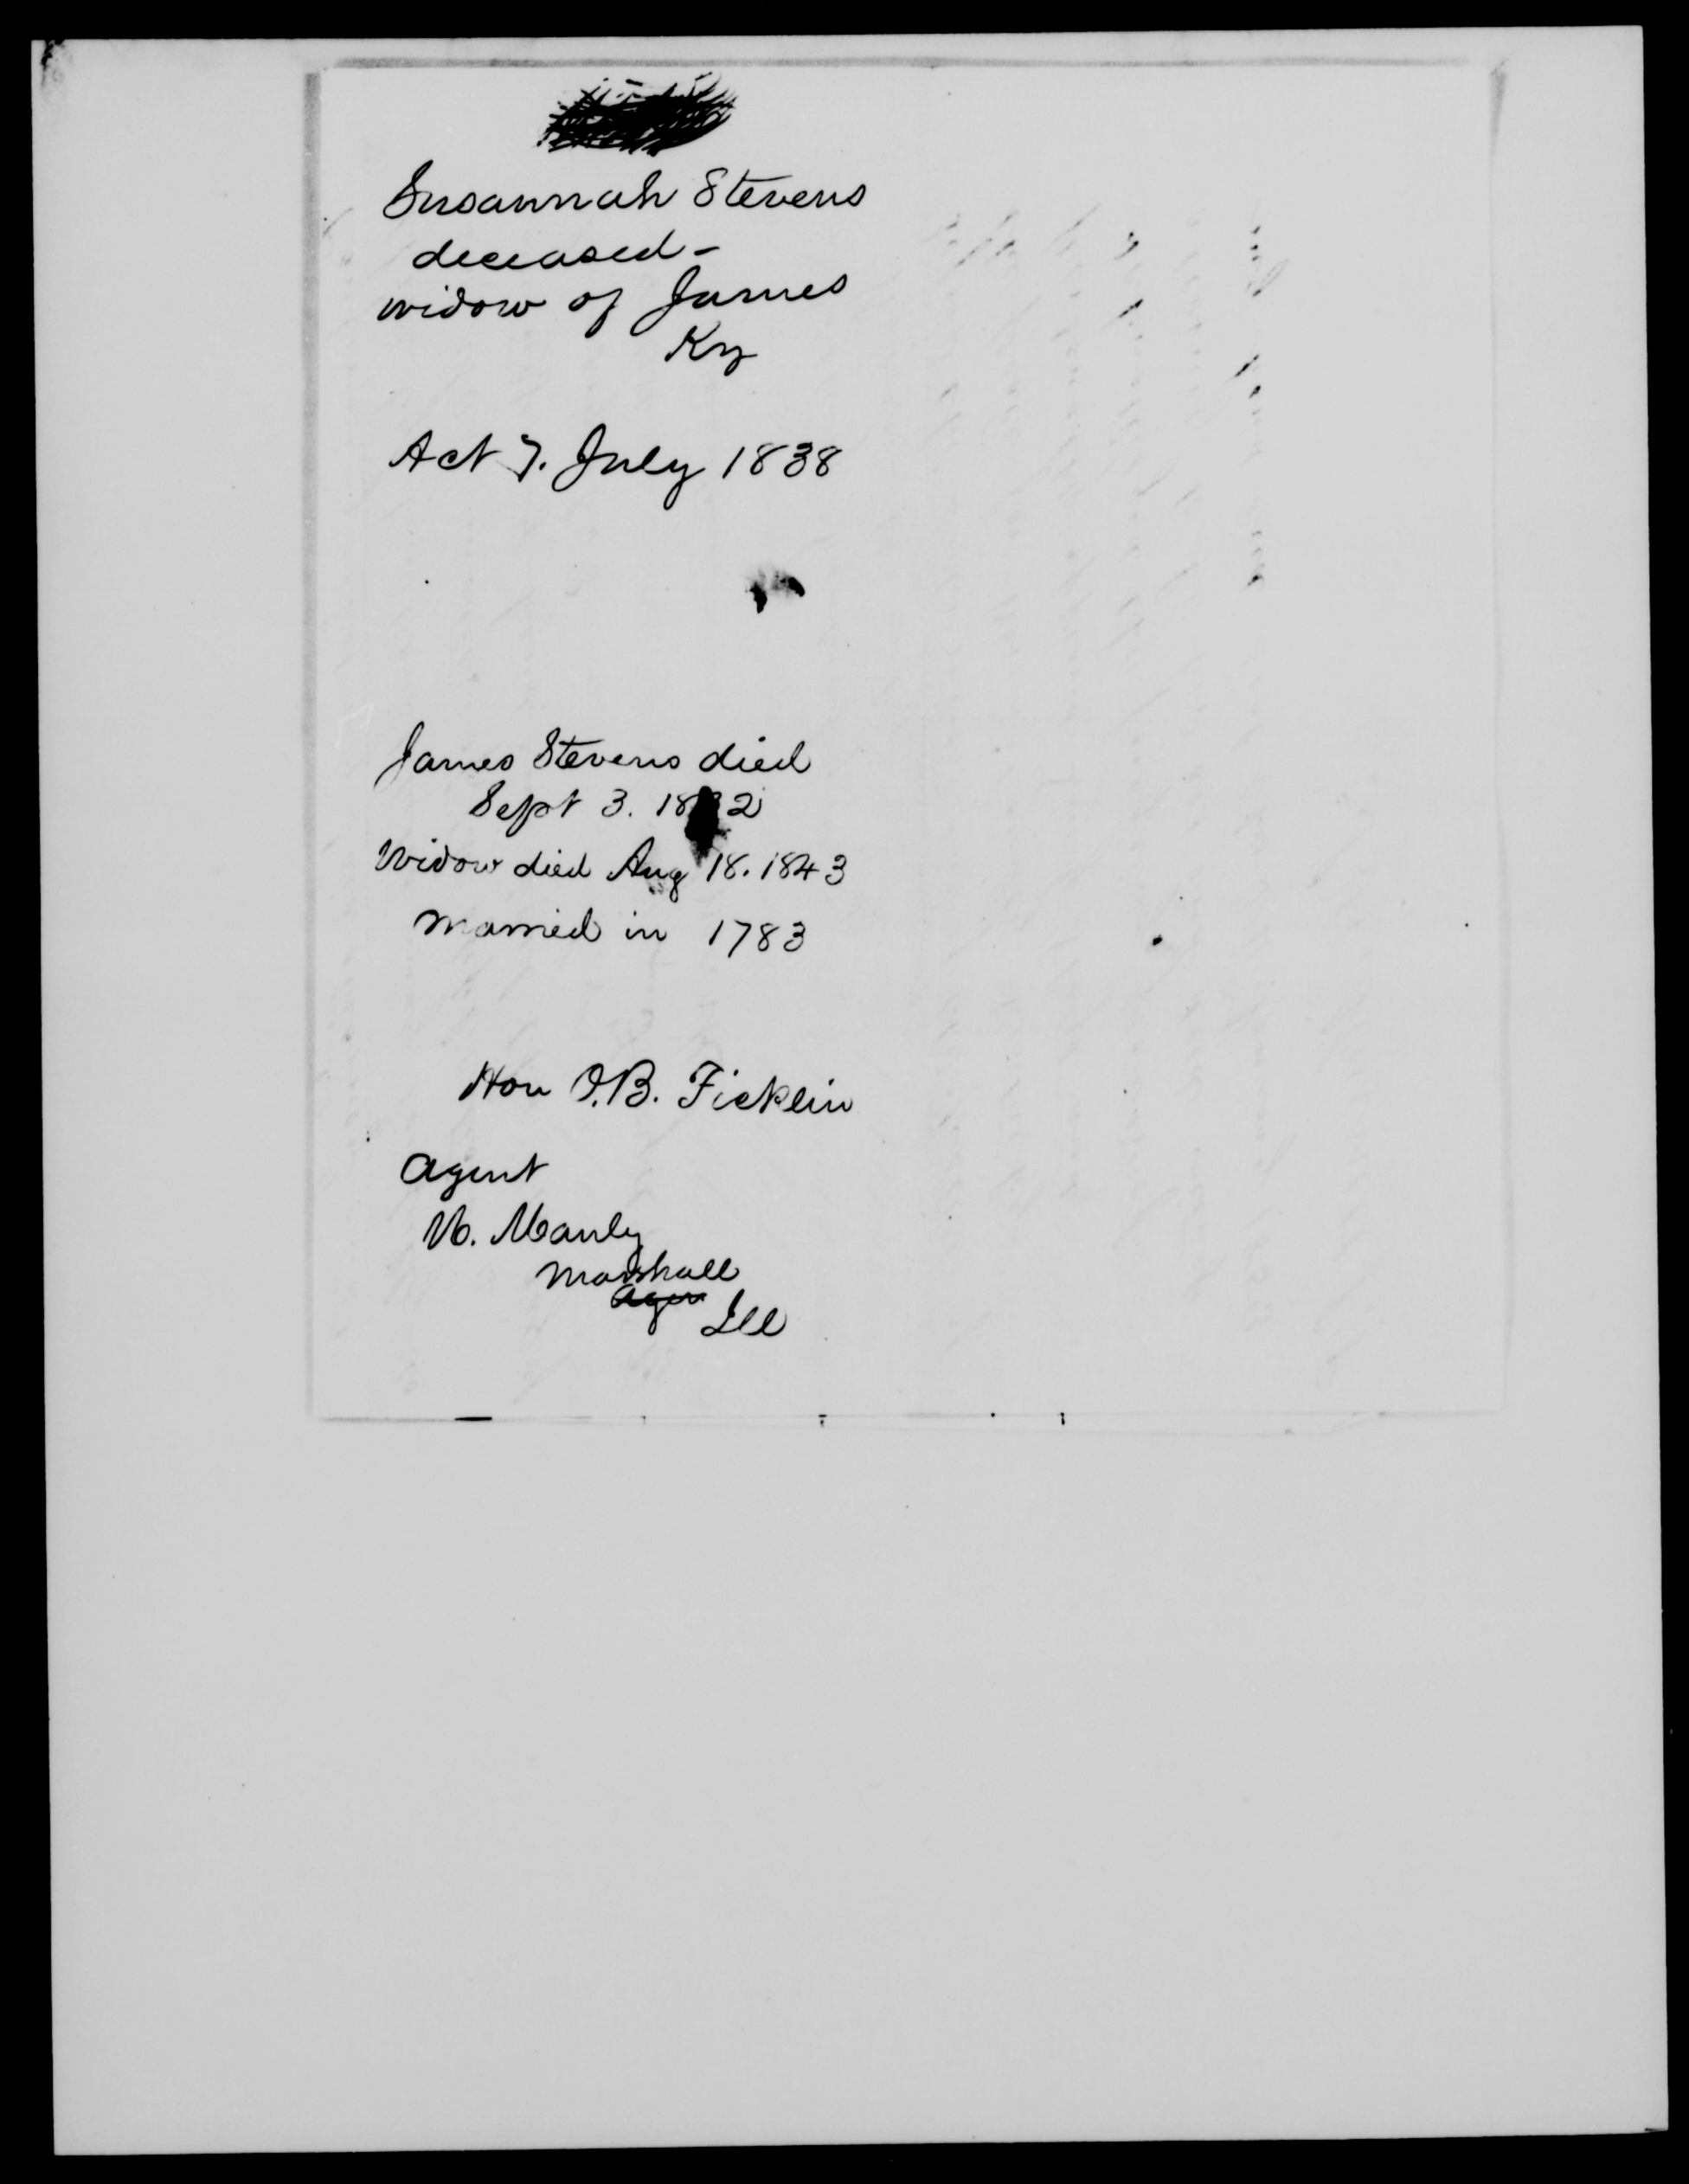Susannah Stevens
deceasedwidow
of James
Ky
Act 7 July 1838
James Stevens died
Sept 3. 1832
Widow died Aug 18. 1843
Married in 1783
Hon J.B. Ficklin
Agent
W. Manly
Marshall
Ill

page: 53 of 99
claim: widow's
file: W 8766, for James Stevens, Virginia